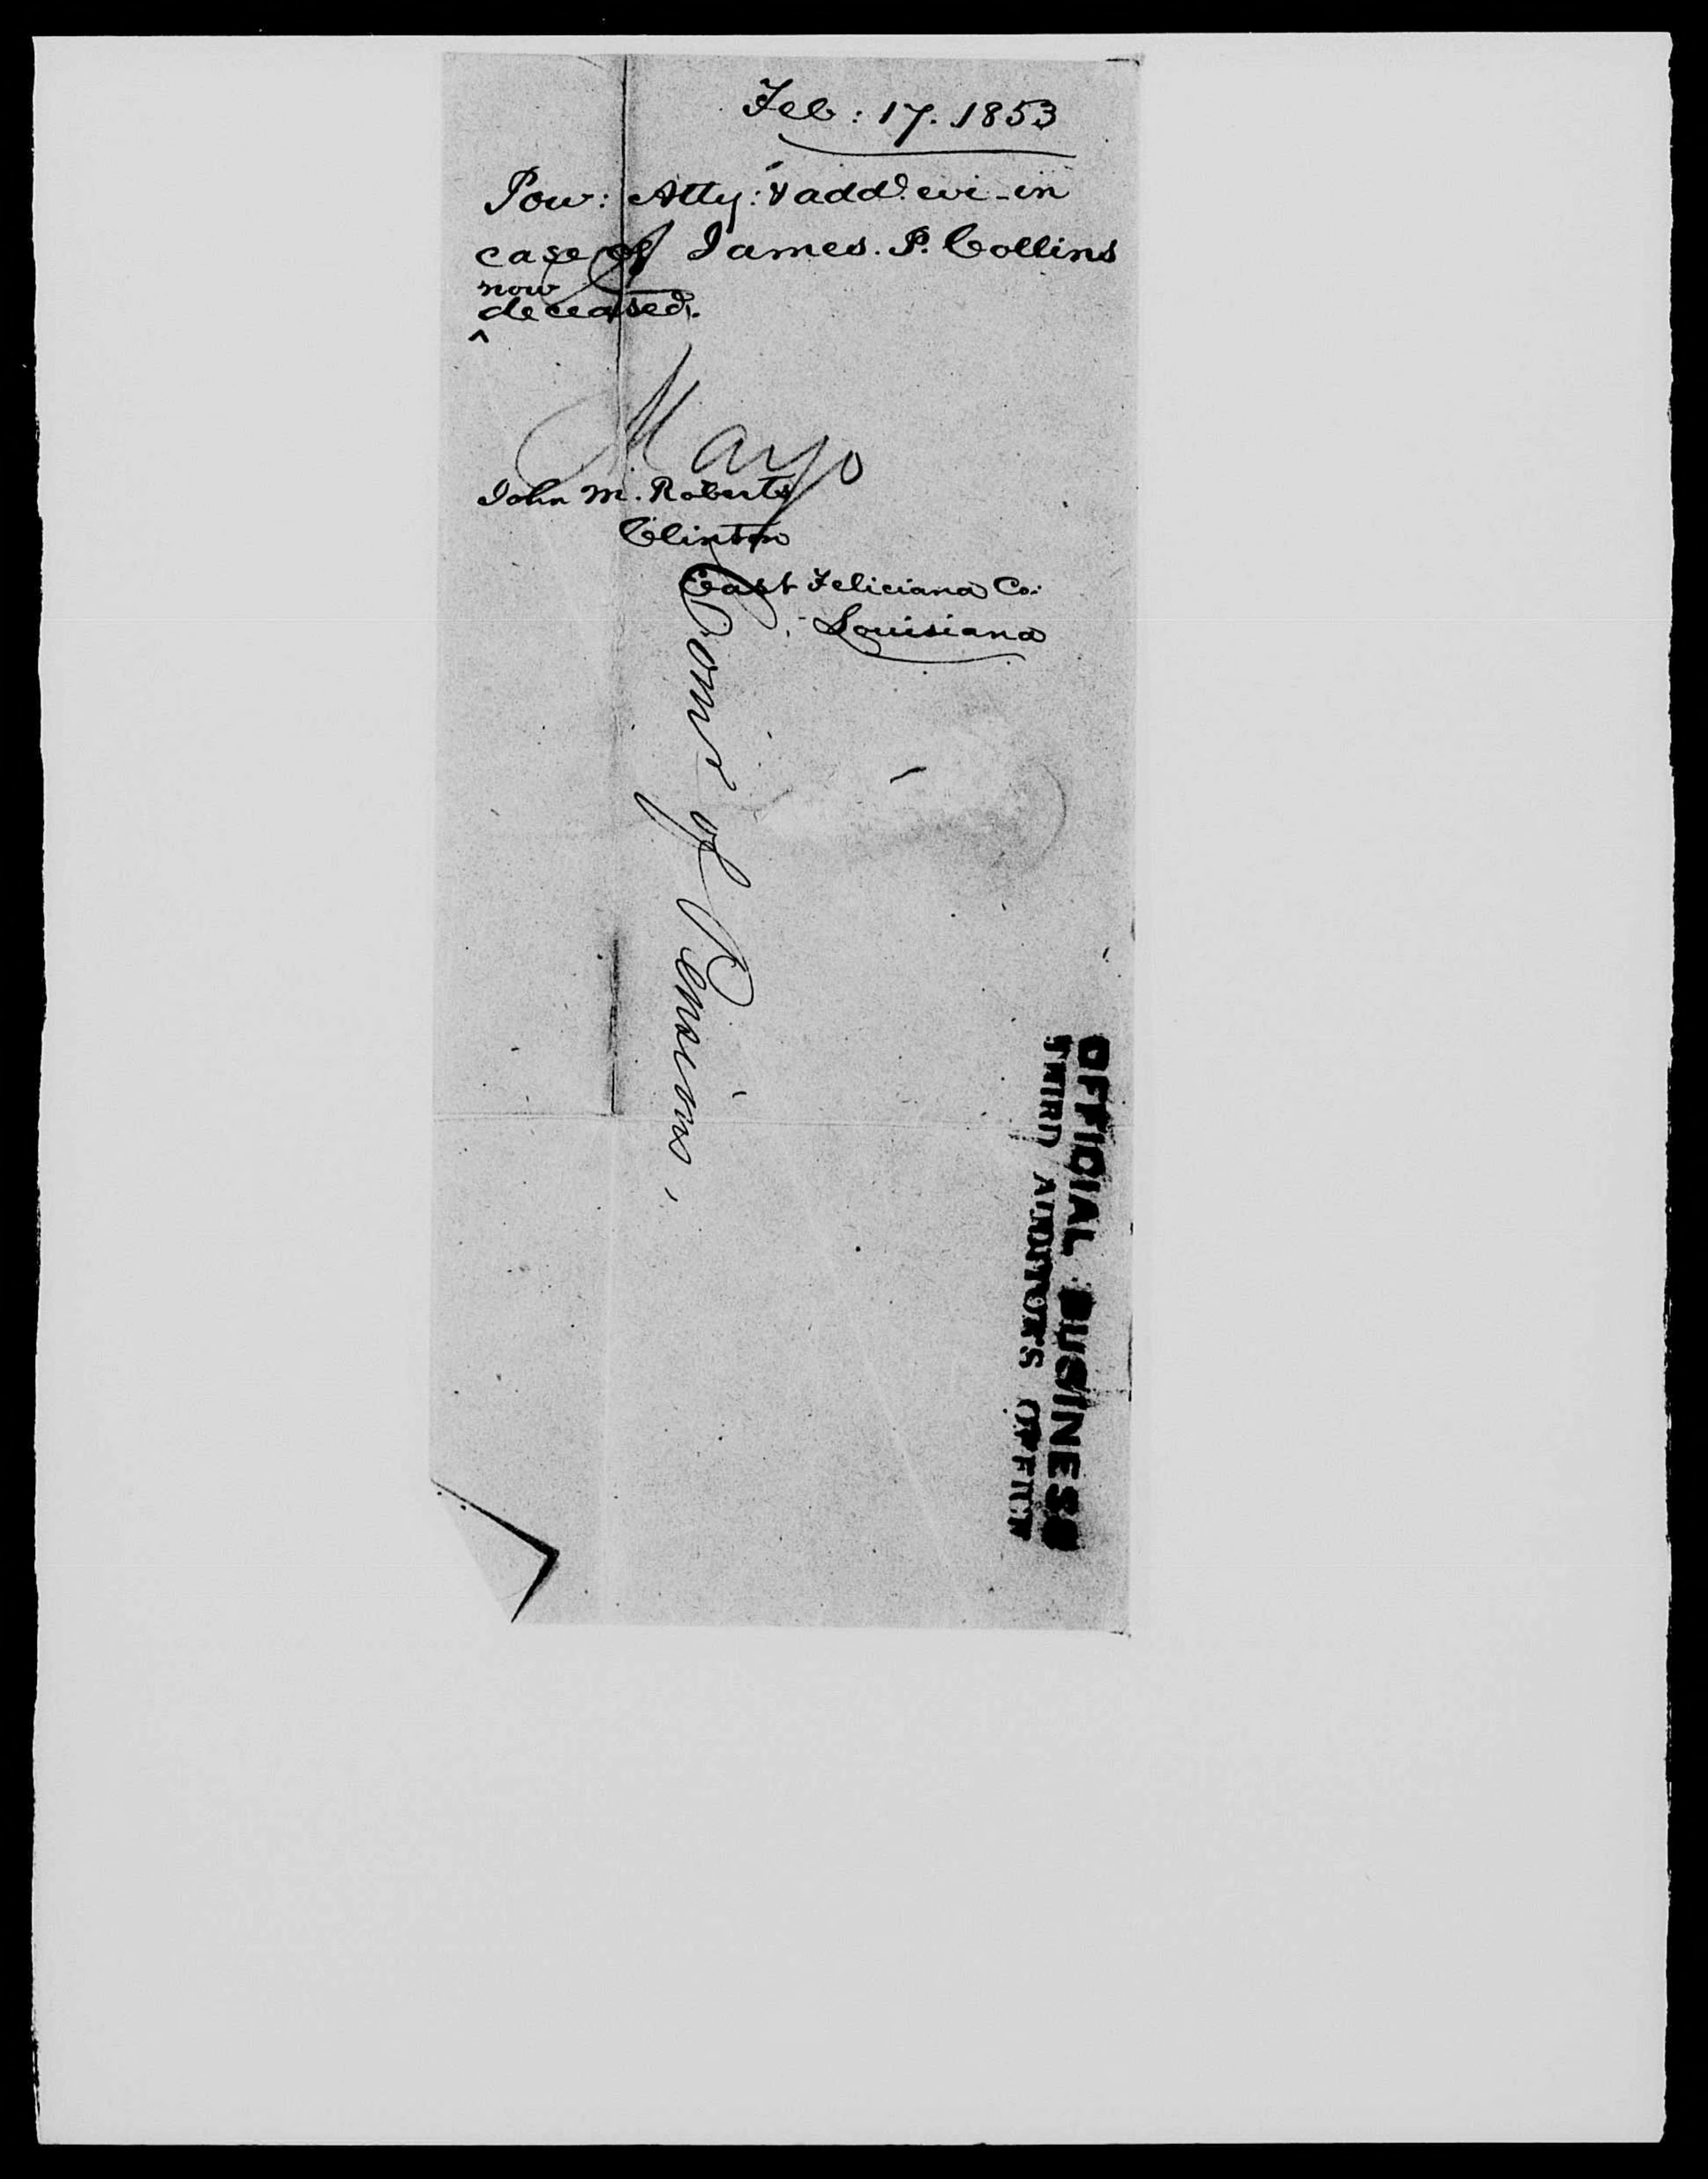Feb. 17 1853
___________

Pow: Atty.: & addl evi_ in
case of James P. Collins
now
deceased.

[illegible ]

John M Roberts
Clinton
East Feliciana Co.
Louisiana



OFFICIAL BUSINESS
THIRD AUDITORS OFFICE

Comms of Pensions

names: James P Collins, John M Roberts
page: 39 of 48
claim: rejected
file: R. 2173, James P Collins, S. C.